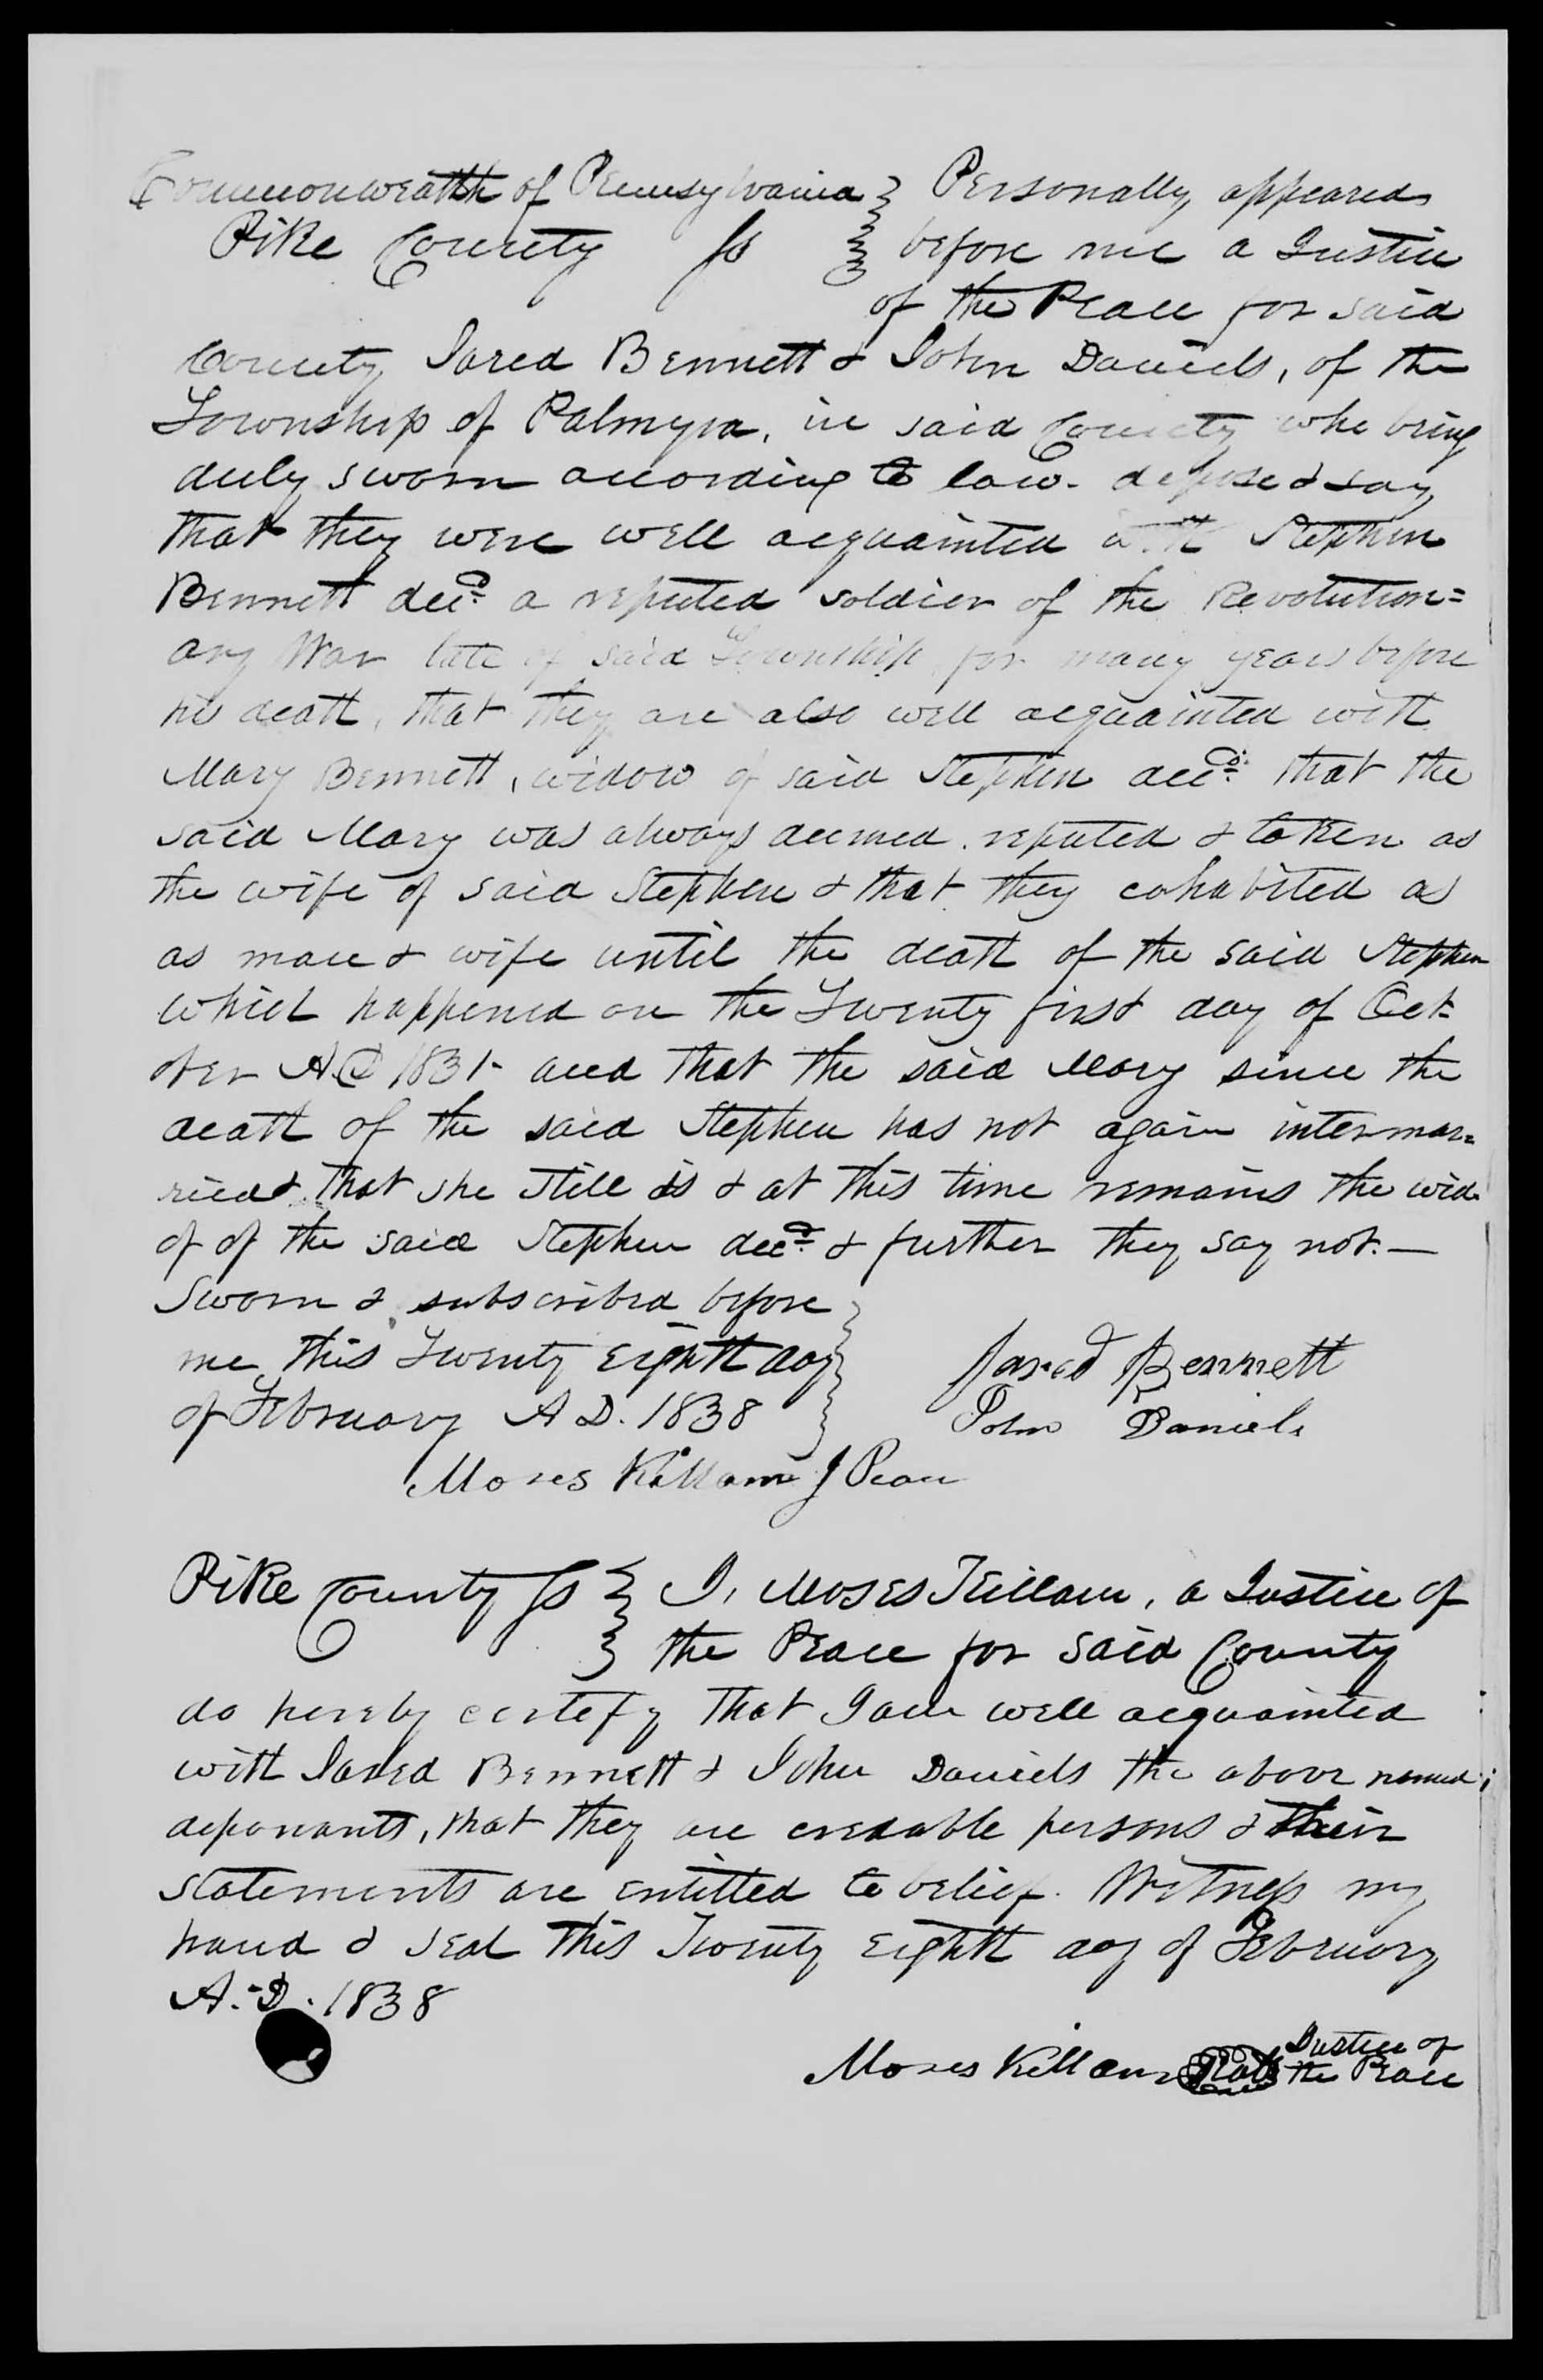Commonwealth of Pennsylvania ⎬ Personally appeared
Pike County
before me a Justice
of the Peace for said
County Jared Bennett & John Daniels, of the
Township of Palmyra, in said County who being
duly sworn according to law depose & say
that they were well acquainted attention
Bennett decd a reputed soldier of the Revolution
any War late of said Township for many years before
his death, that they are also well acquainted with
Mary Bennett, widow of said Stephen and that the
said Mary was always deemed reputed & taken as
the wife of said Stephen & that they cohabited as
as man & wife until the death of the said Stephen
which happened on the Twenty first day of Oct
 AD 1831 and that the said Mary since the
death of the said Stephen has not again intermarried
 that she still is & at this time remains the wide
of the said Stephen decd & further they say not.
Sworn & subscribed before
me, this Twenty eighth
of February A D. 1838
Jared
John
Bennett
Moses Killam J Peace
Banals
Pike County I, Moses Killam, a Justice of
the Peace for said County
do hereby certify that I am well acquainted with
and Bennett & John Daniels the above named
deponents, that they are credible persons & their
statements are entitled to belief. Witness my
hand & seal this Twenty eighth day of February
A.D.
1838
Moses Killam
Justice of
of the Peace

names: Jared Bennett, Stephen Bennett, Moses Killam, Moses Killam, Stephen, Jared Bennett, Jared Bennett, Stephen, John Daniels, John Davids, Mary Bennett, Mary, Stephen, Stephen, John Daniels, Stephen, Mary, Moses Killam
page: 51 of 79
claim: widow's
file: W. 2,906, Stephen Bennet, Conn.